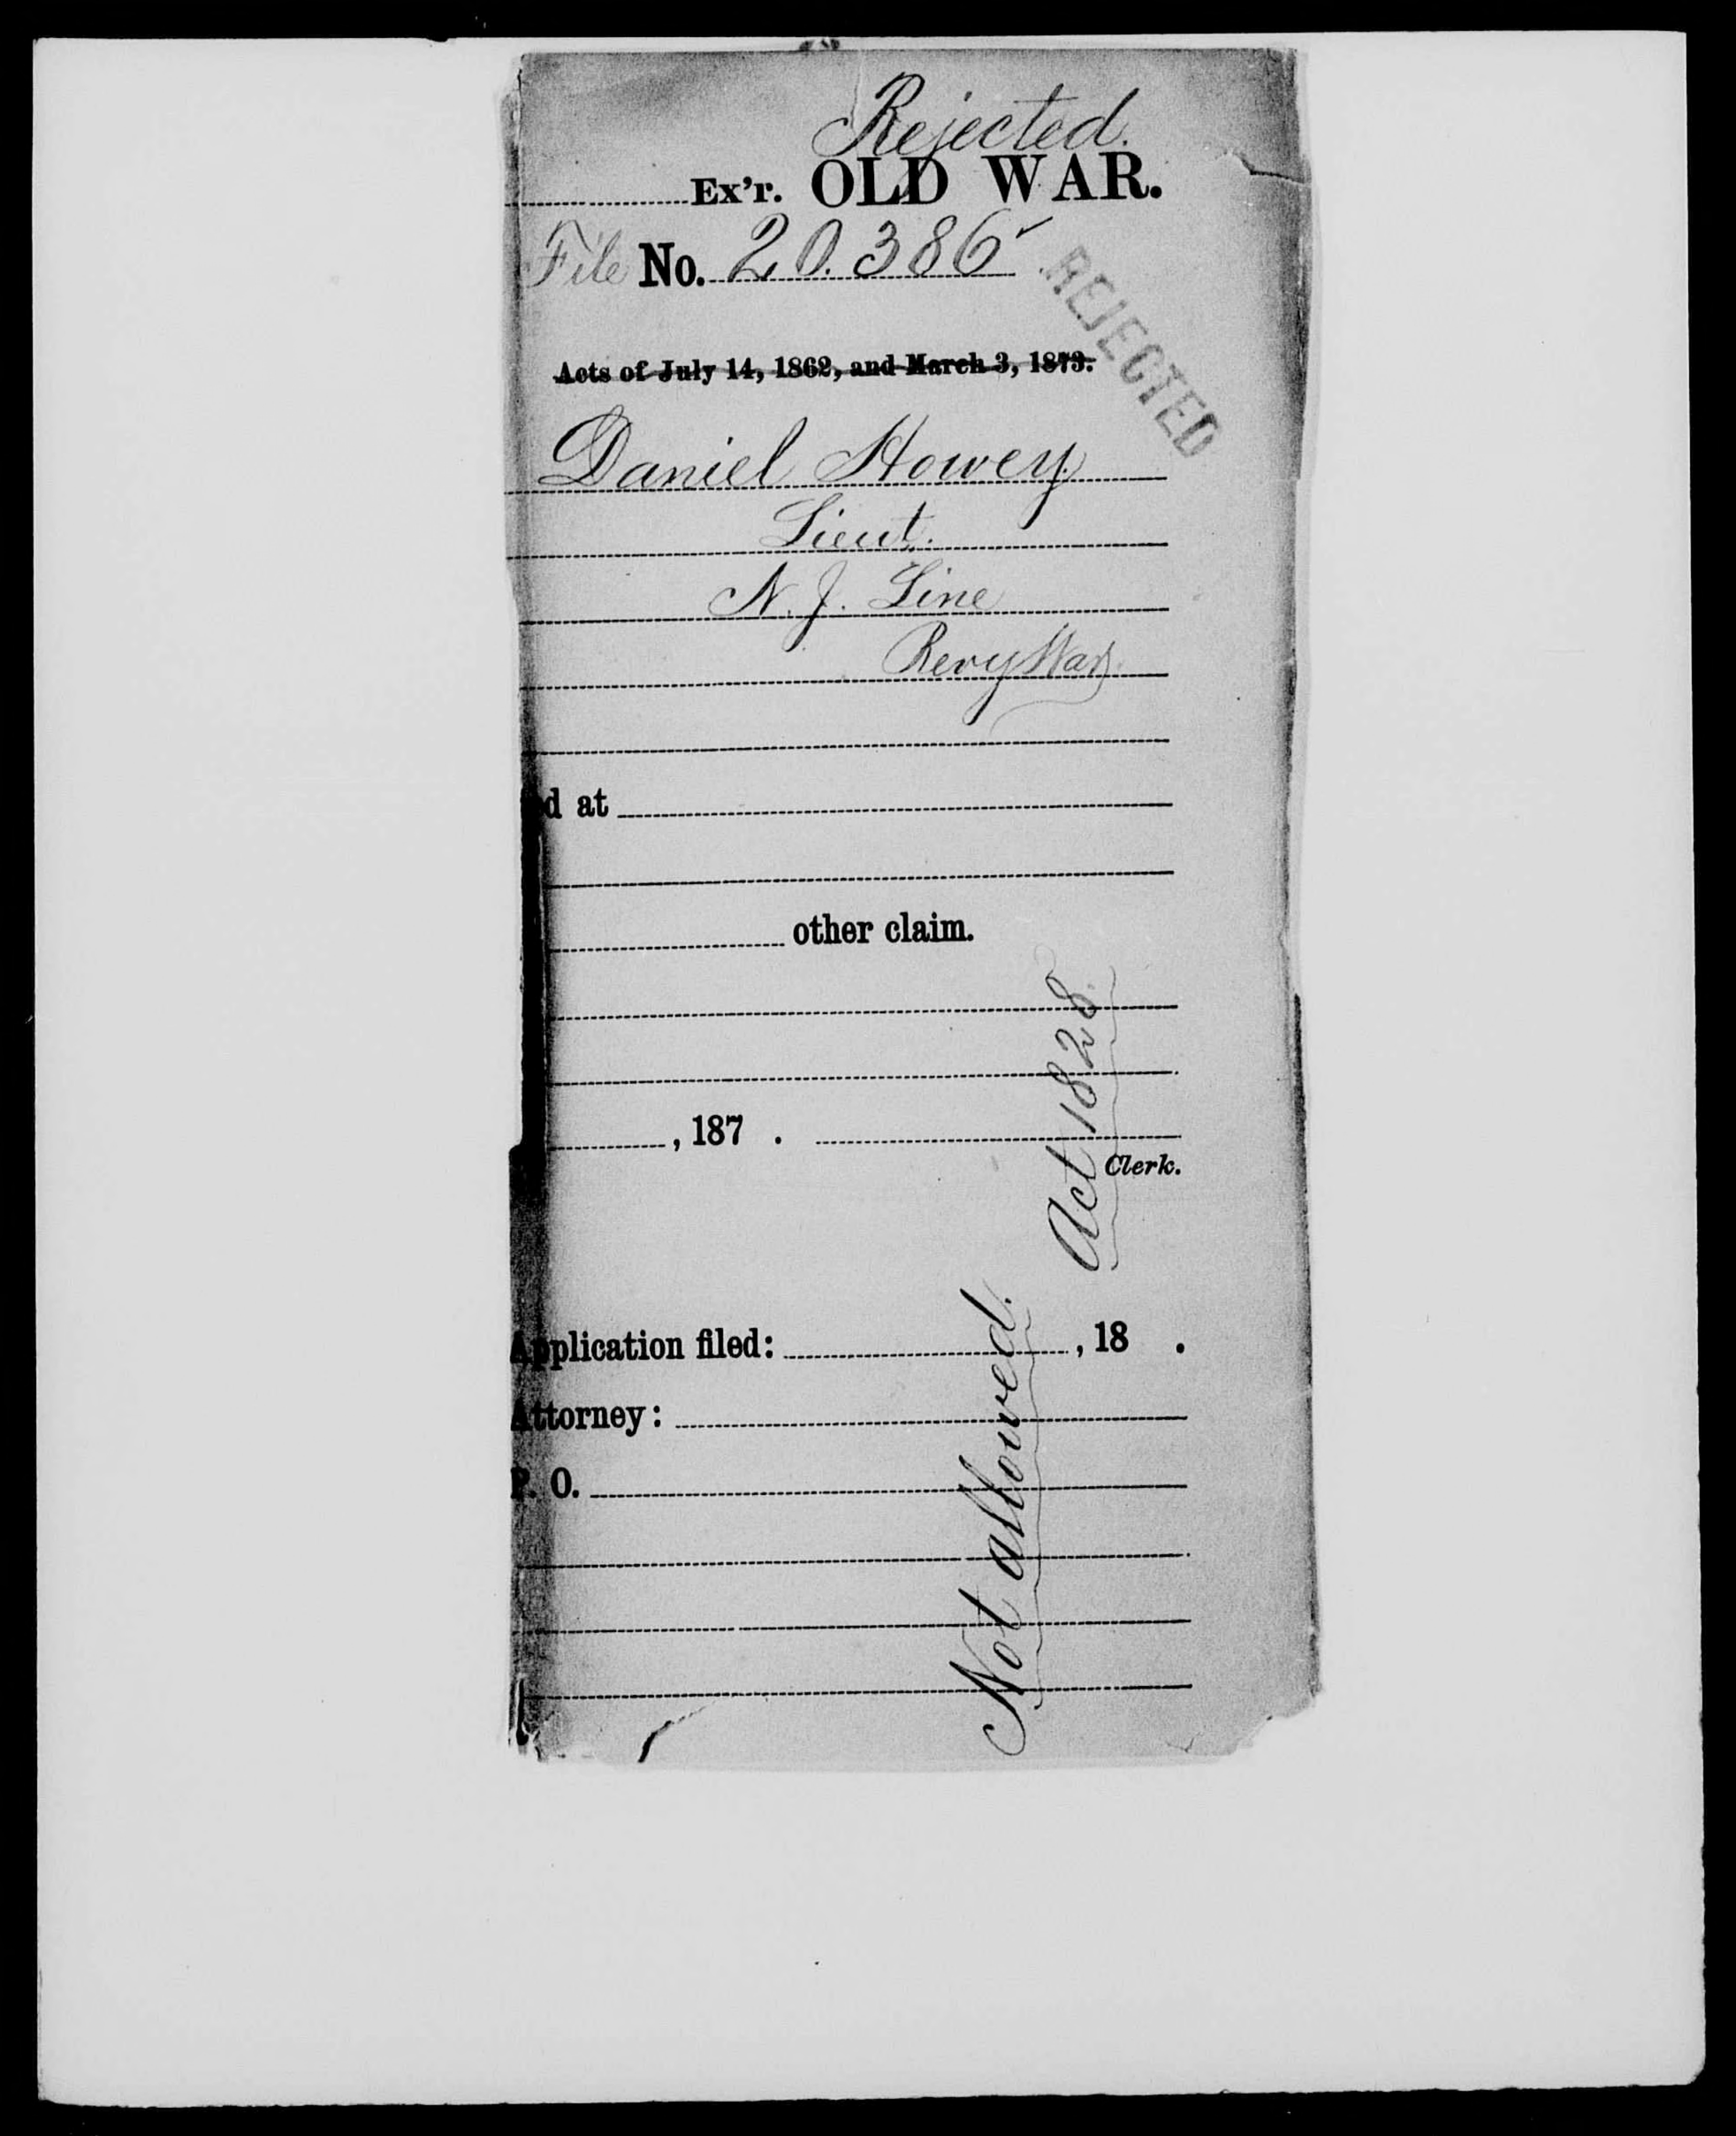[handwritten across top of form]
Rejected
-----Ex'r OLD WAR.
File No. 20386 [check mark] [stamped] REJECTED
[printed and crossed out by hand]
Acts of July 14, 1862, and March 3, 1873.
[handwritten]
Daniel Howey
Lieut.
N.J. Line
Revy War
_____other claim.
_____, 187 . _________ Clerk.
[handwritten perpendicular to form] Act 1828. [underlined]
[printed] Application filed: ______, 18  .
Attorney: __________
P.O. ________
[written perpendicular to form and underlined]
Not allowed.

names: Daniel Howey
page: 9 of 25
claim: rejected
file: R. 5190, Daniel Howey, New Jersey New York